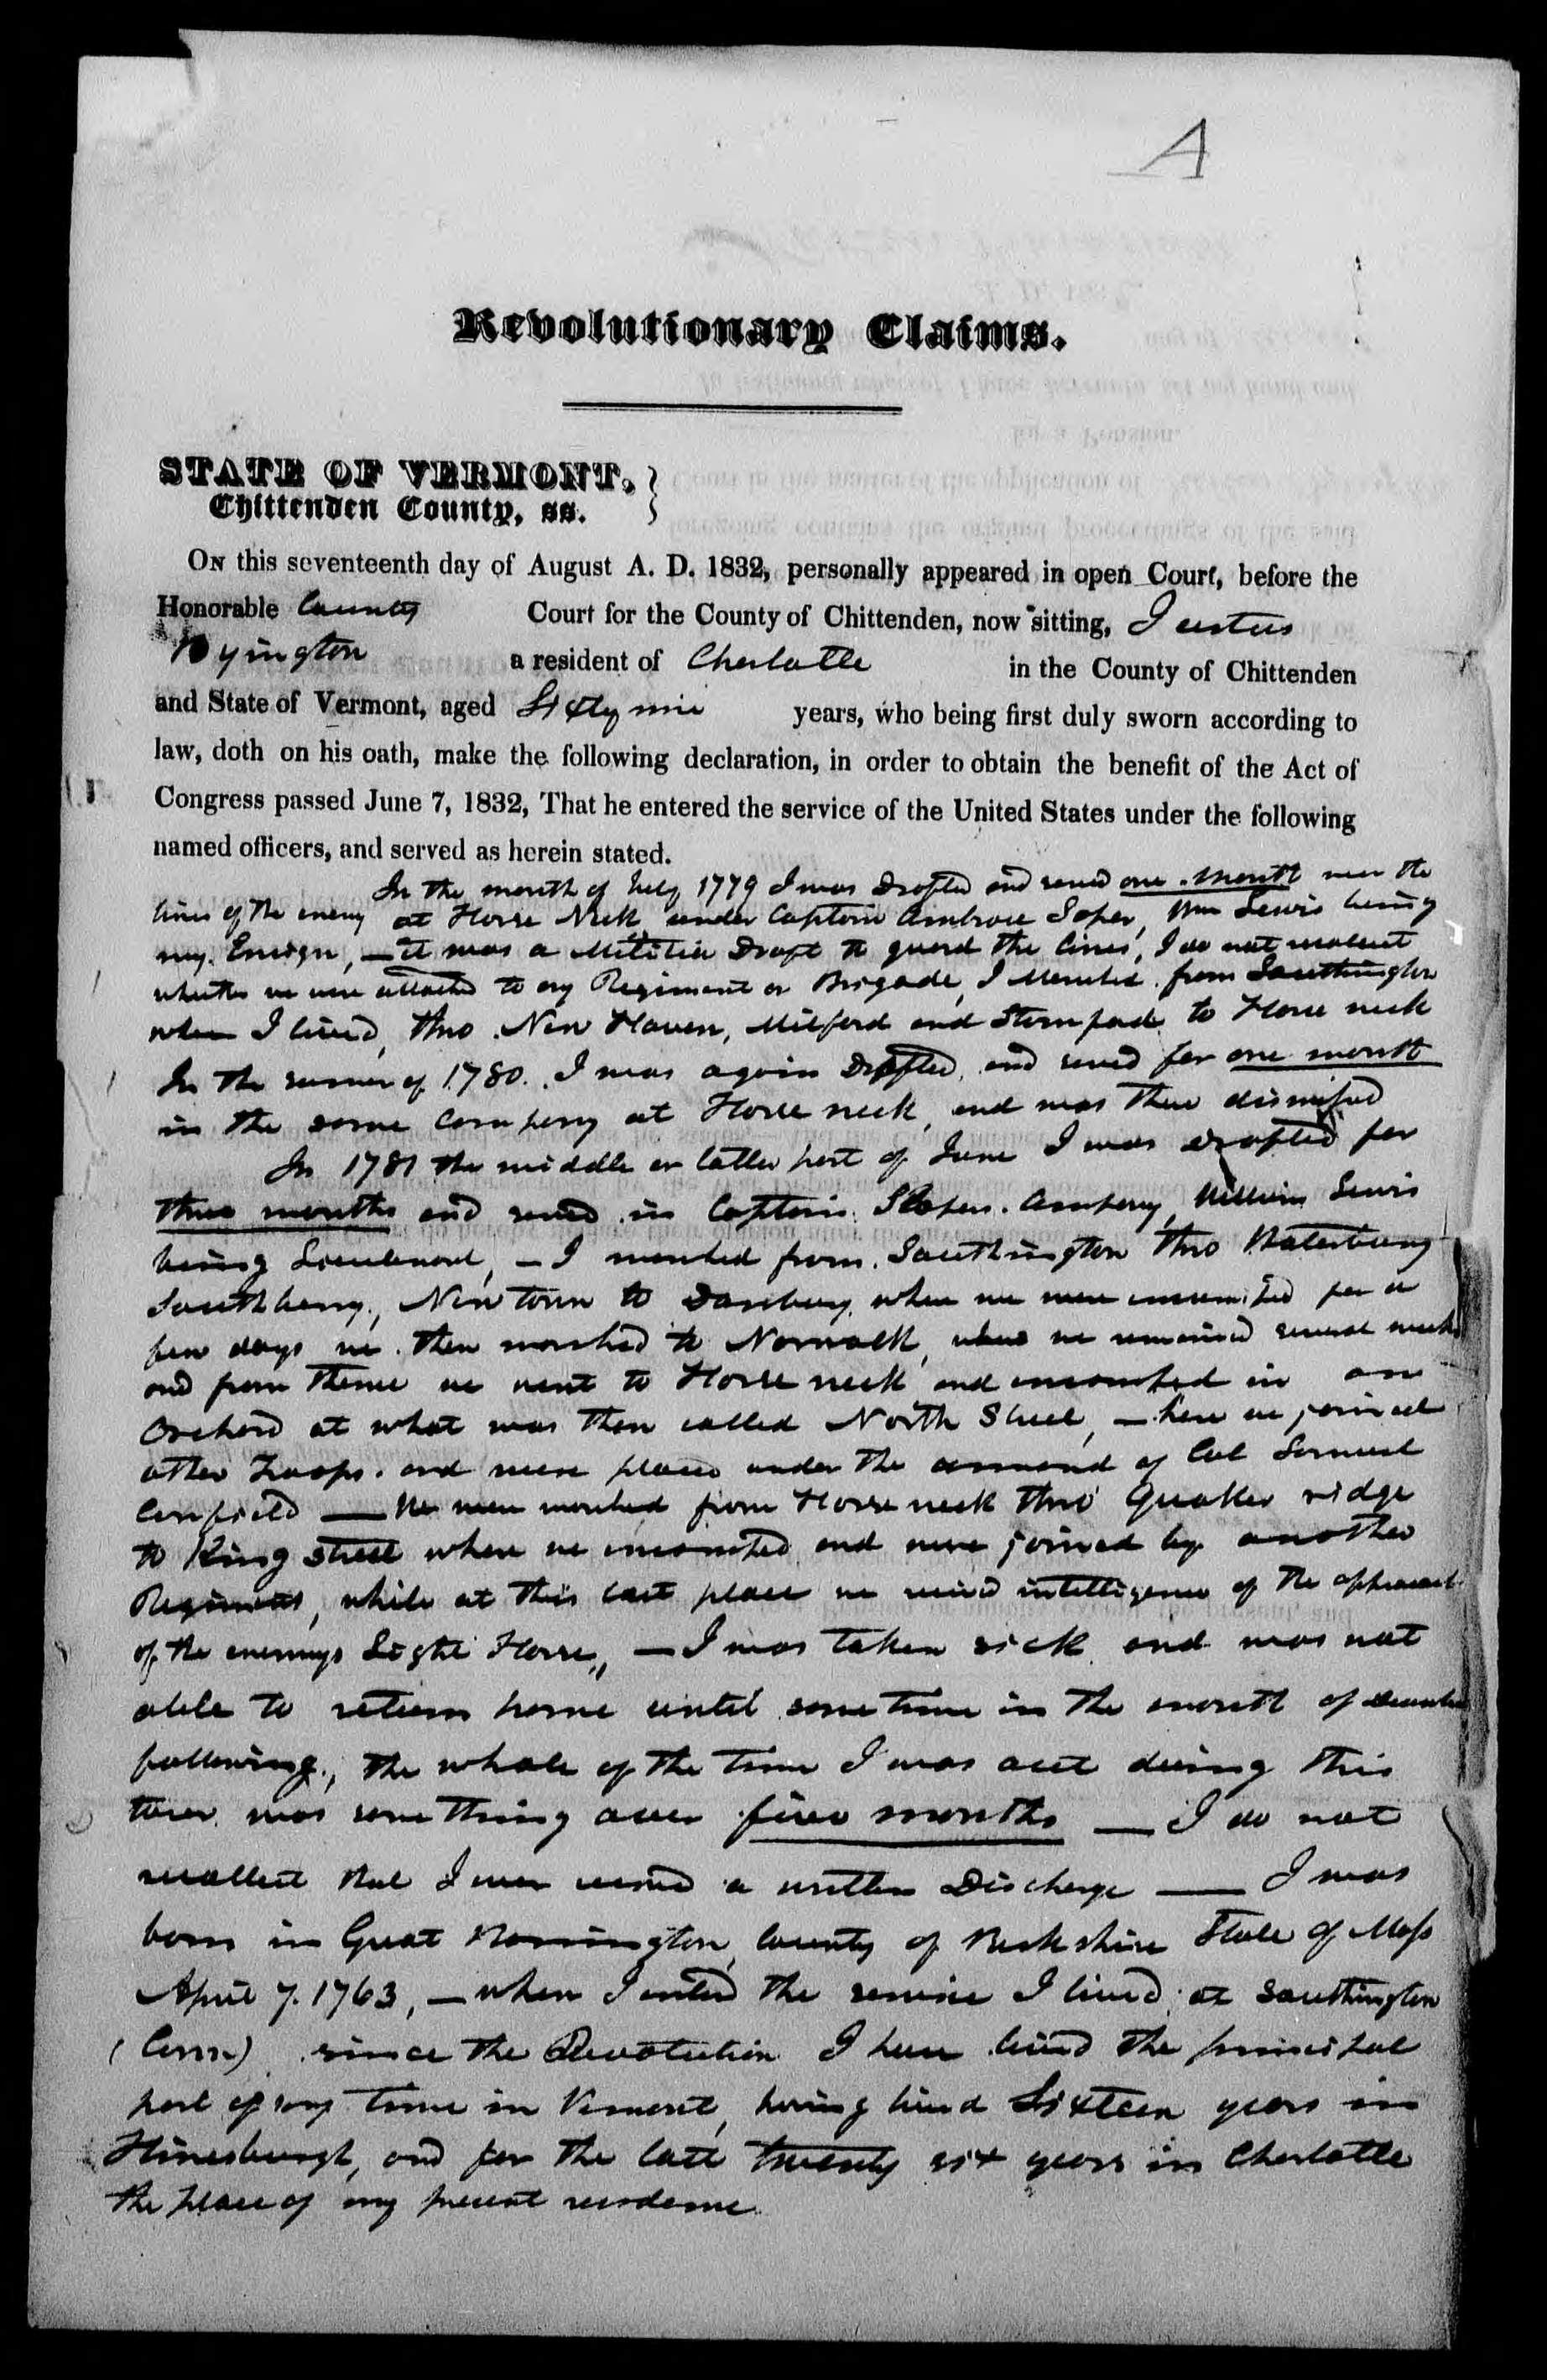Revolutionary Calims.

STATE OF VERMONT.
Chittenden County, ss.}
ON this seventeenth day of August A.D. 1832, personally appeared in open Court, before the Honorable County Court for the County of Chittenden, now sitting, Justus Byington a resident of Charlotte in the County of Chittenden and State of Vermont, aged sixty nine years, who being first duly sworn according to law, doth on his oath, make the following declaration, in order to obtain the benefit of the Act of Congress passed June 7, 1832, That he entered the service of the United States under the following named officers, and served as herein stated.
In the month of July 1779 I was drafted and served one month near the lines of the enemy at Horse Neck under Captain Ambrose Saper, Wm. Lewis being my Ensign. It was a Militia draft to guard the lines. I do not recollect whether we were attached to any regiment or brigade. I marched from Southington where I lived thro New Haven, Milford and Stamford to Horse Neck.
In the summer of 1780, I was again drafted and served for one month in the same company at Horse Neck, and was then dismissed.
In 1781 the middle or latter part of June I was drafted for three months and served in Captain Stoper's company, William Leis being Lieutenant. I marched from Southington thro Waterbury, Southbury, Newton to Danbury, where we were assembled for a few days and then marched to Norwalk, where we remained several weeks and from thence we went to Horse Neck and encamped in an orchard at what was then called North Sheet. Here we joined other troops and were placed under the command of Col. Samuel Canfield. We were marched from Horse Neck thro Quaker Ridge to King Street when we encamped and were joined by another regiment. While at this last place we received intelligence of the [illegible] of the enemy's Light Horse. I was taken sick and was not able to return home until some time in the month of December following. The whole of the time I was out during this tour was something over five months. I do not recollect that I was served a written discharge. I was born in Great Barrington, county of Berkshire State of Mass. April 7 1763. When I entered the service I lived at Southington (Conn) since the Revolution I have lived the principal part of my time in Vermont, having lived sixteen years in Hinesburgh and for the last twenty six years in Charlotte, the place of my present residence.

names: Justus Byington, William Lewis, Wm Lewis, Stoben Amberry, Ambrose Soper, Samuel Canfield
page: 4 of 79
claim: widow's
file: W. 23754, Justus Byington, Conn.